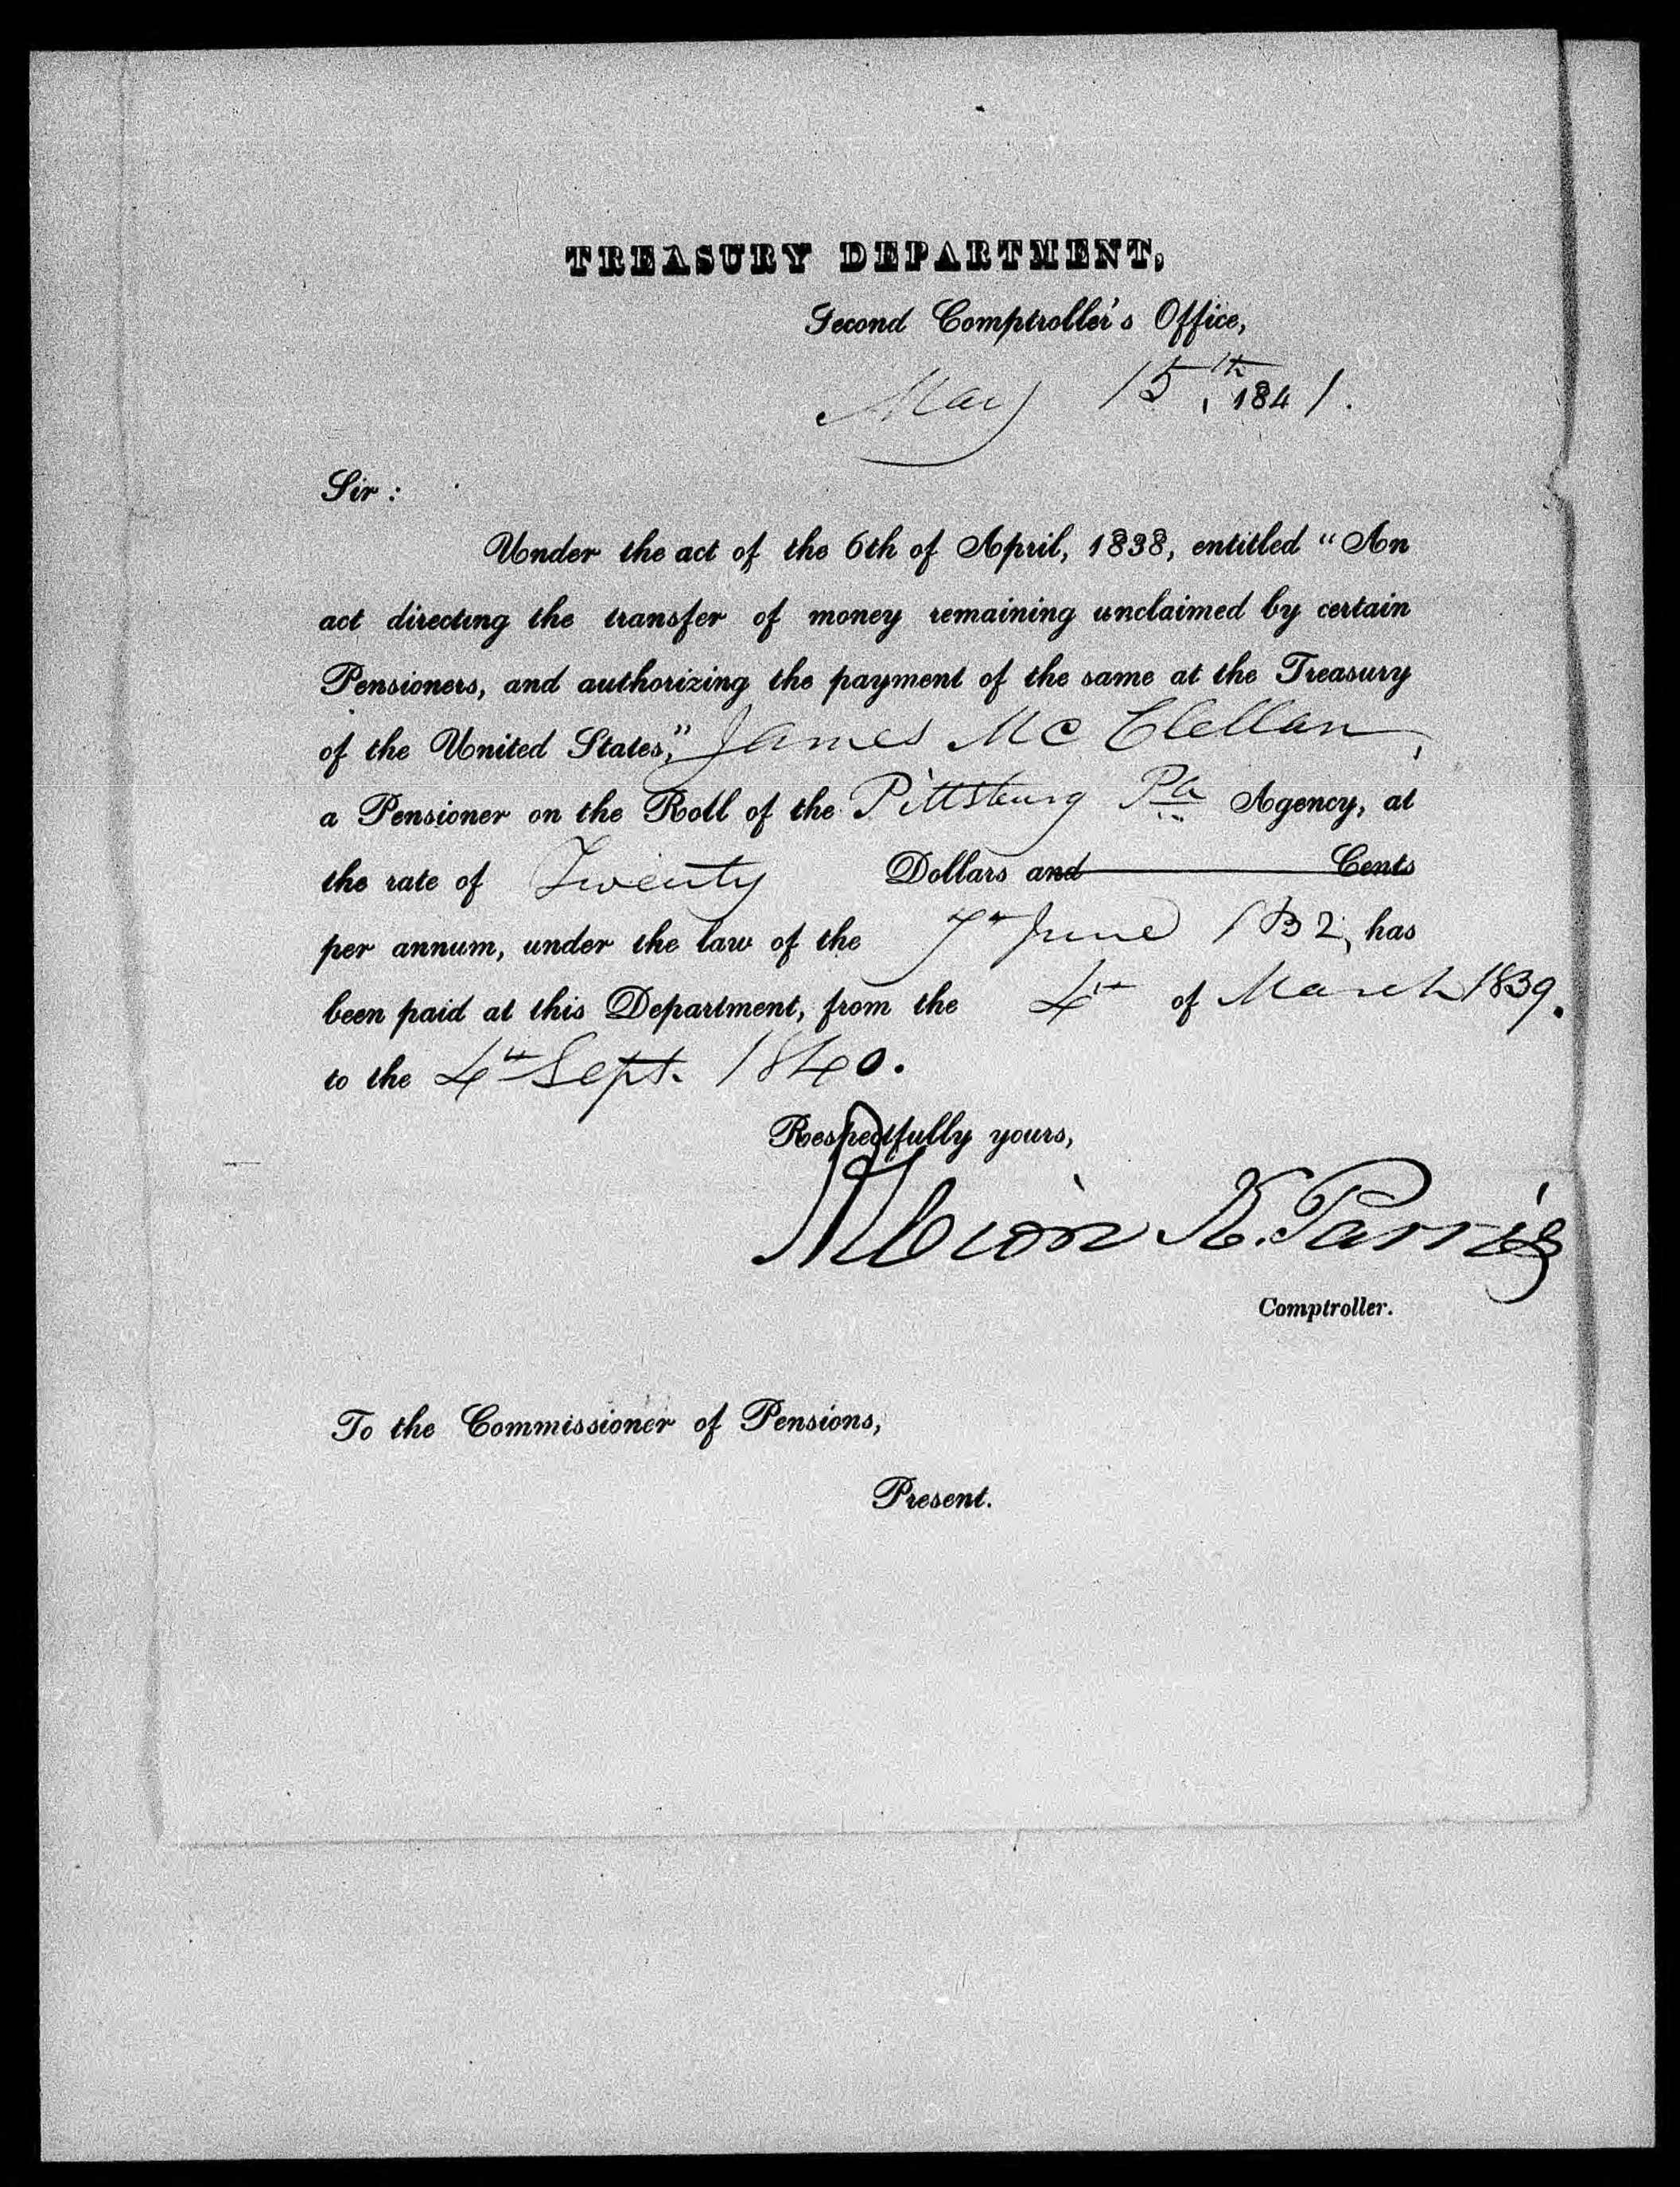TREASURY DEPARTMENT
Second Comptroller's Office
May 15, 1841

Sir:

Under the act of the 6th of April, 1838, entitled "An act directing the transfer of money remaining unclaimed by certain Pensioners, and authorizing the payment of the same at the Treasury of the United States" and the 3d section of the Act of August 23, 1842, extending the time within whith pensioners may receive their pensions from the pension agents, James McClellan a Pensioner on the Roll of the Pittsburgh Pa Agency, at the rate of Twenty Dollars and no Cents per annum, under the law of the 7th June 1832, has been paid at this Department, from the 4th of March 1839 to the 4th Sept 1840.

Respectfully, yours 

Albion K. Parris 
Comptroller

To The Commissioner of Pensions, Present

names: Albion K Parris; James Mc Clellan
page: 14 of 16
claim: survivor's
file: S. 2764, for James Mc Clellan, Pennsylvania